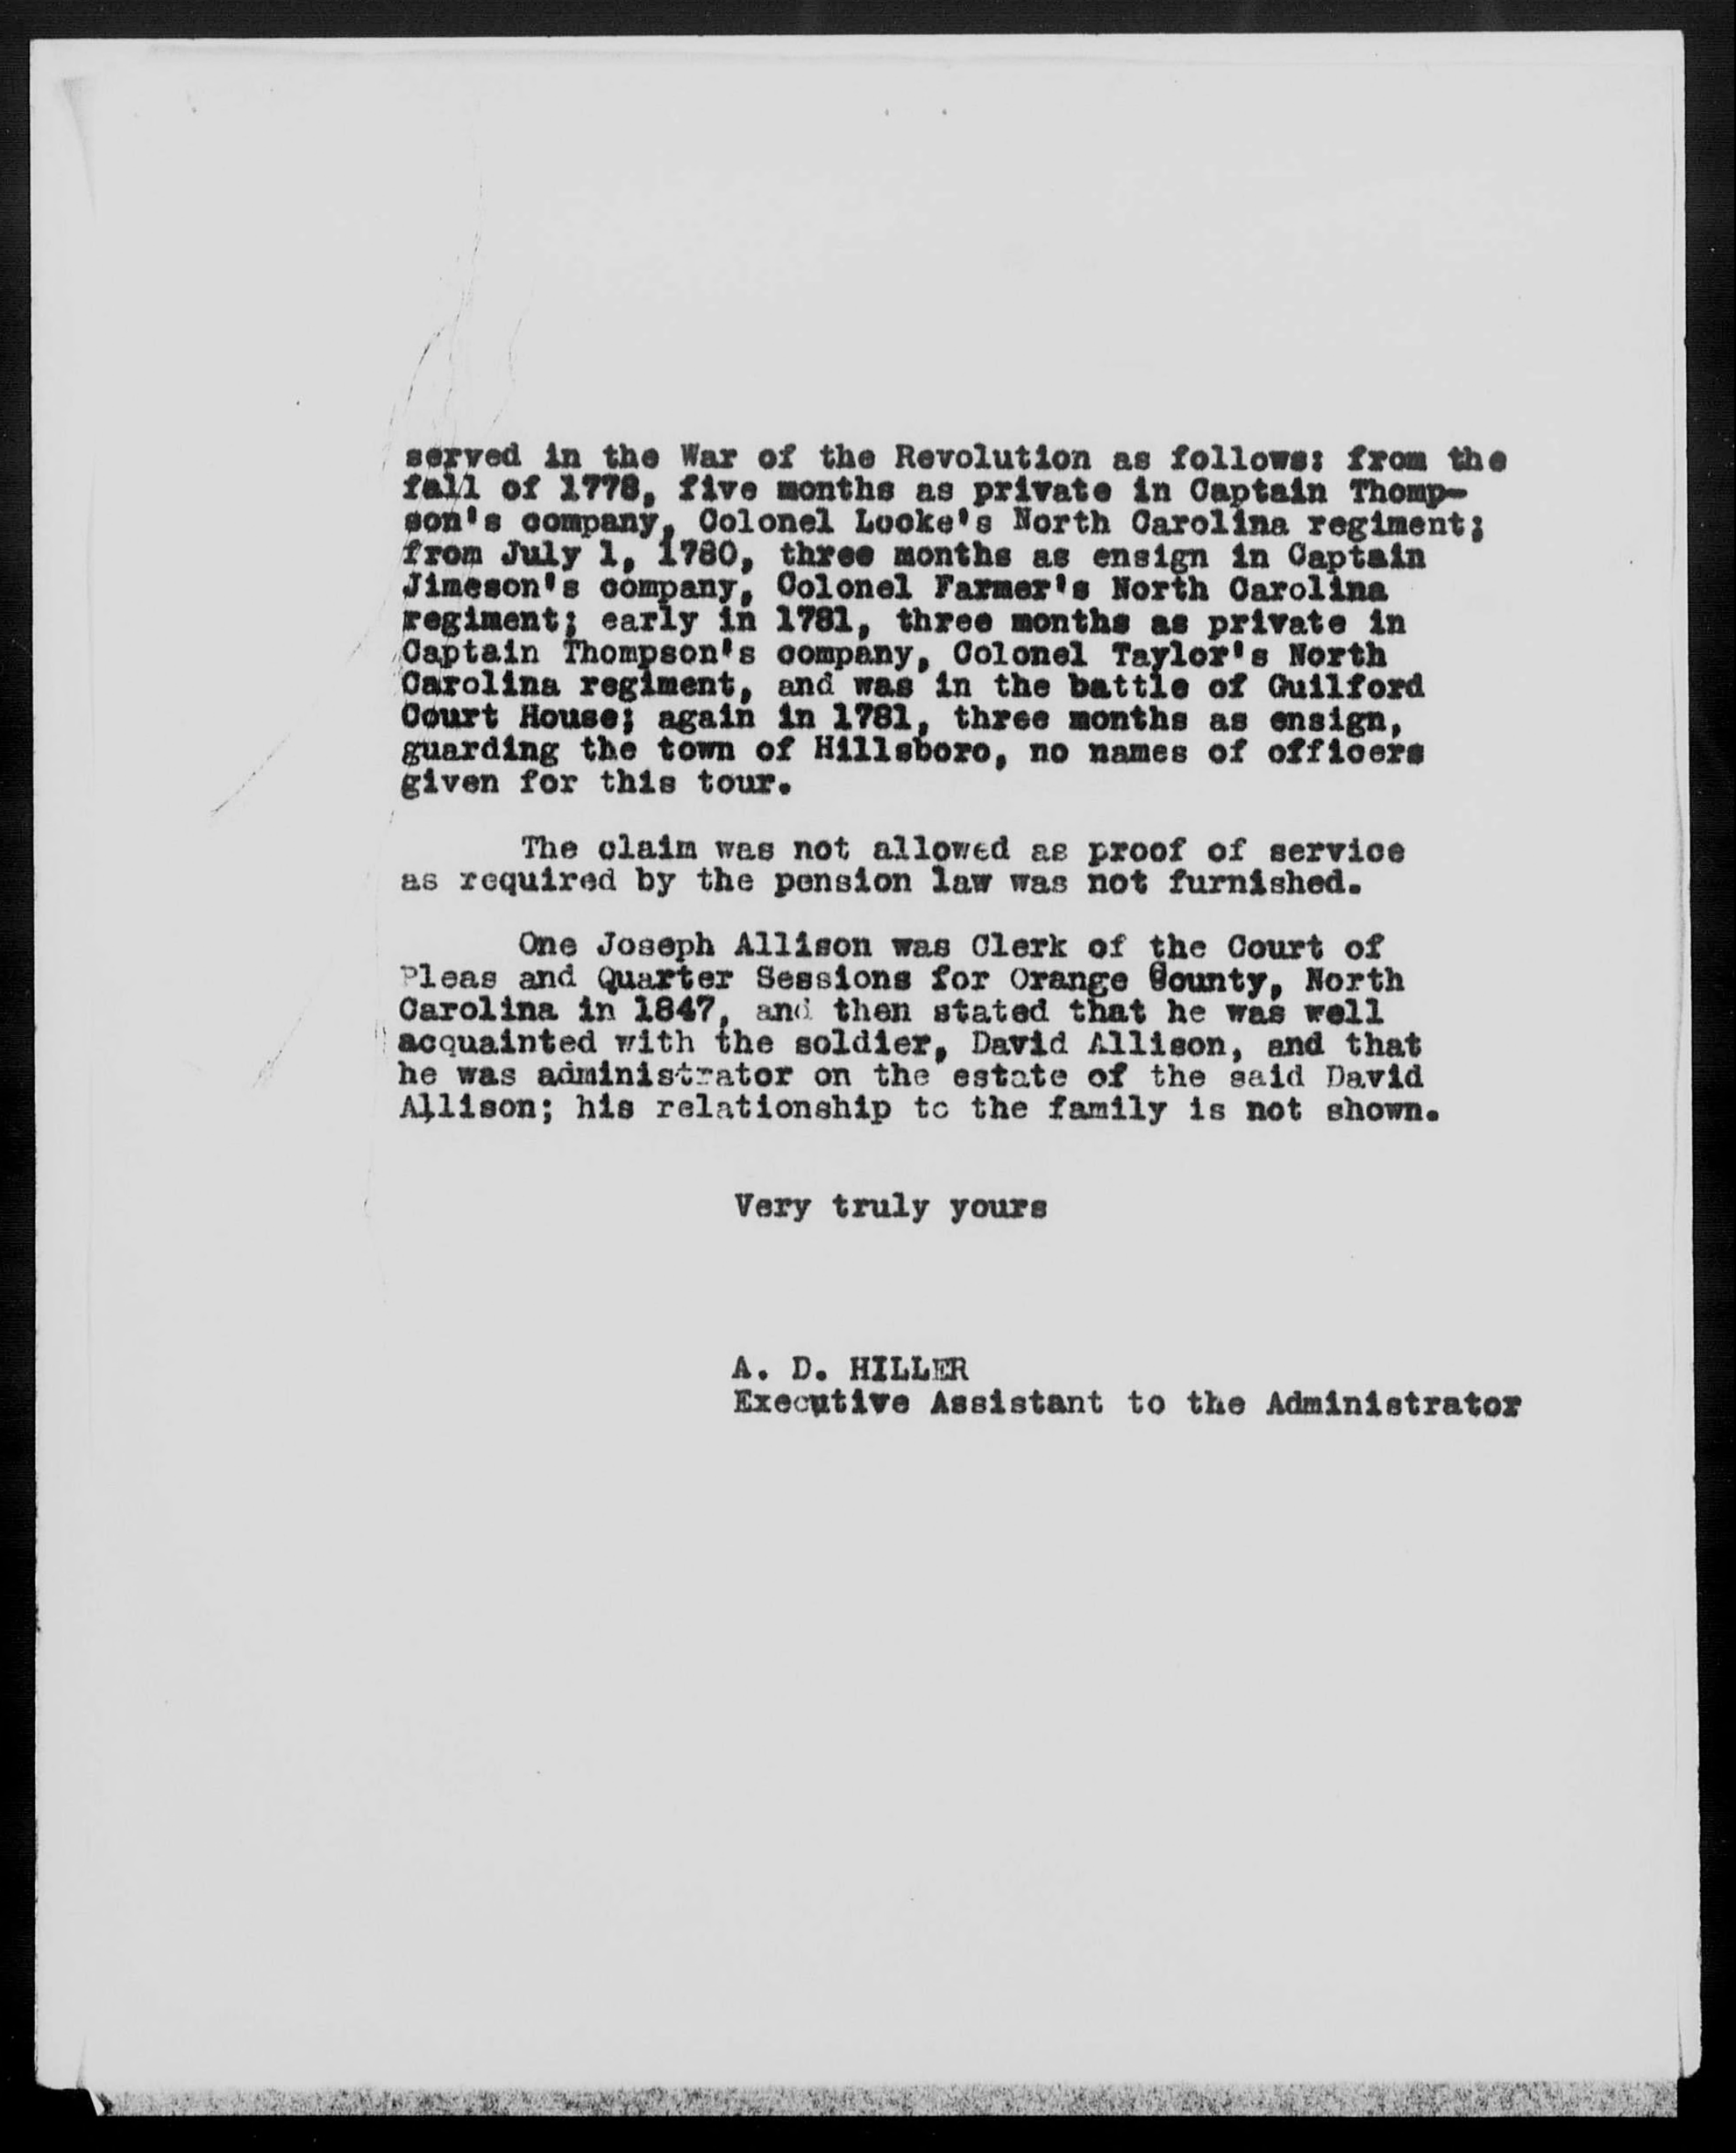served in the War of the Revolution as follows:  from the fall of 1778, five months are private in Captain Thompson's company, Colonel Locke's North Carolina regiment; from July 1, 1780, three months as ensign in Captain Jimeson's company, Colonel Framer's North Carolina regiment; early in 1781, three months as private in Captain Thompson's company, Colonel Taylor's North Carolina regiment, and was in the battle of Ouilford Court House; again in 1781, three months as ensign guarding the town of Hillsboro, no names of officers given for this tour.
The claim was not allowed as proof of services as required by the pension law was not furnished.
One Joseph Allison was Clerk of the Court of Pleas and Quarter Sessions for Orange County, North Carolina in 1847, and then stated that he was well acquainted with the soldier, David Allison. and that he was administrator on the estate of the said David Allison; his relationship to the family is not shown.

Very truly yours,

A. D. Hiller
Executive Assistant to the Administrator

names: David Allison, Joseph Allison, A D Hiller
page: 11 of 33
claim: rejected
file: R. 155, David Allison, N.C.